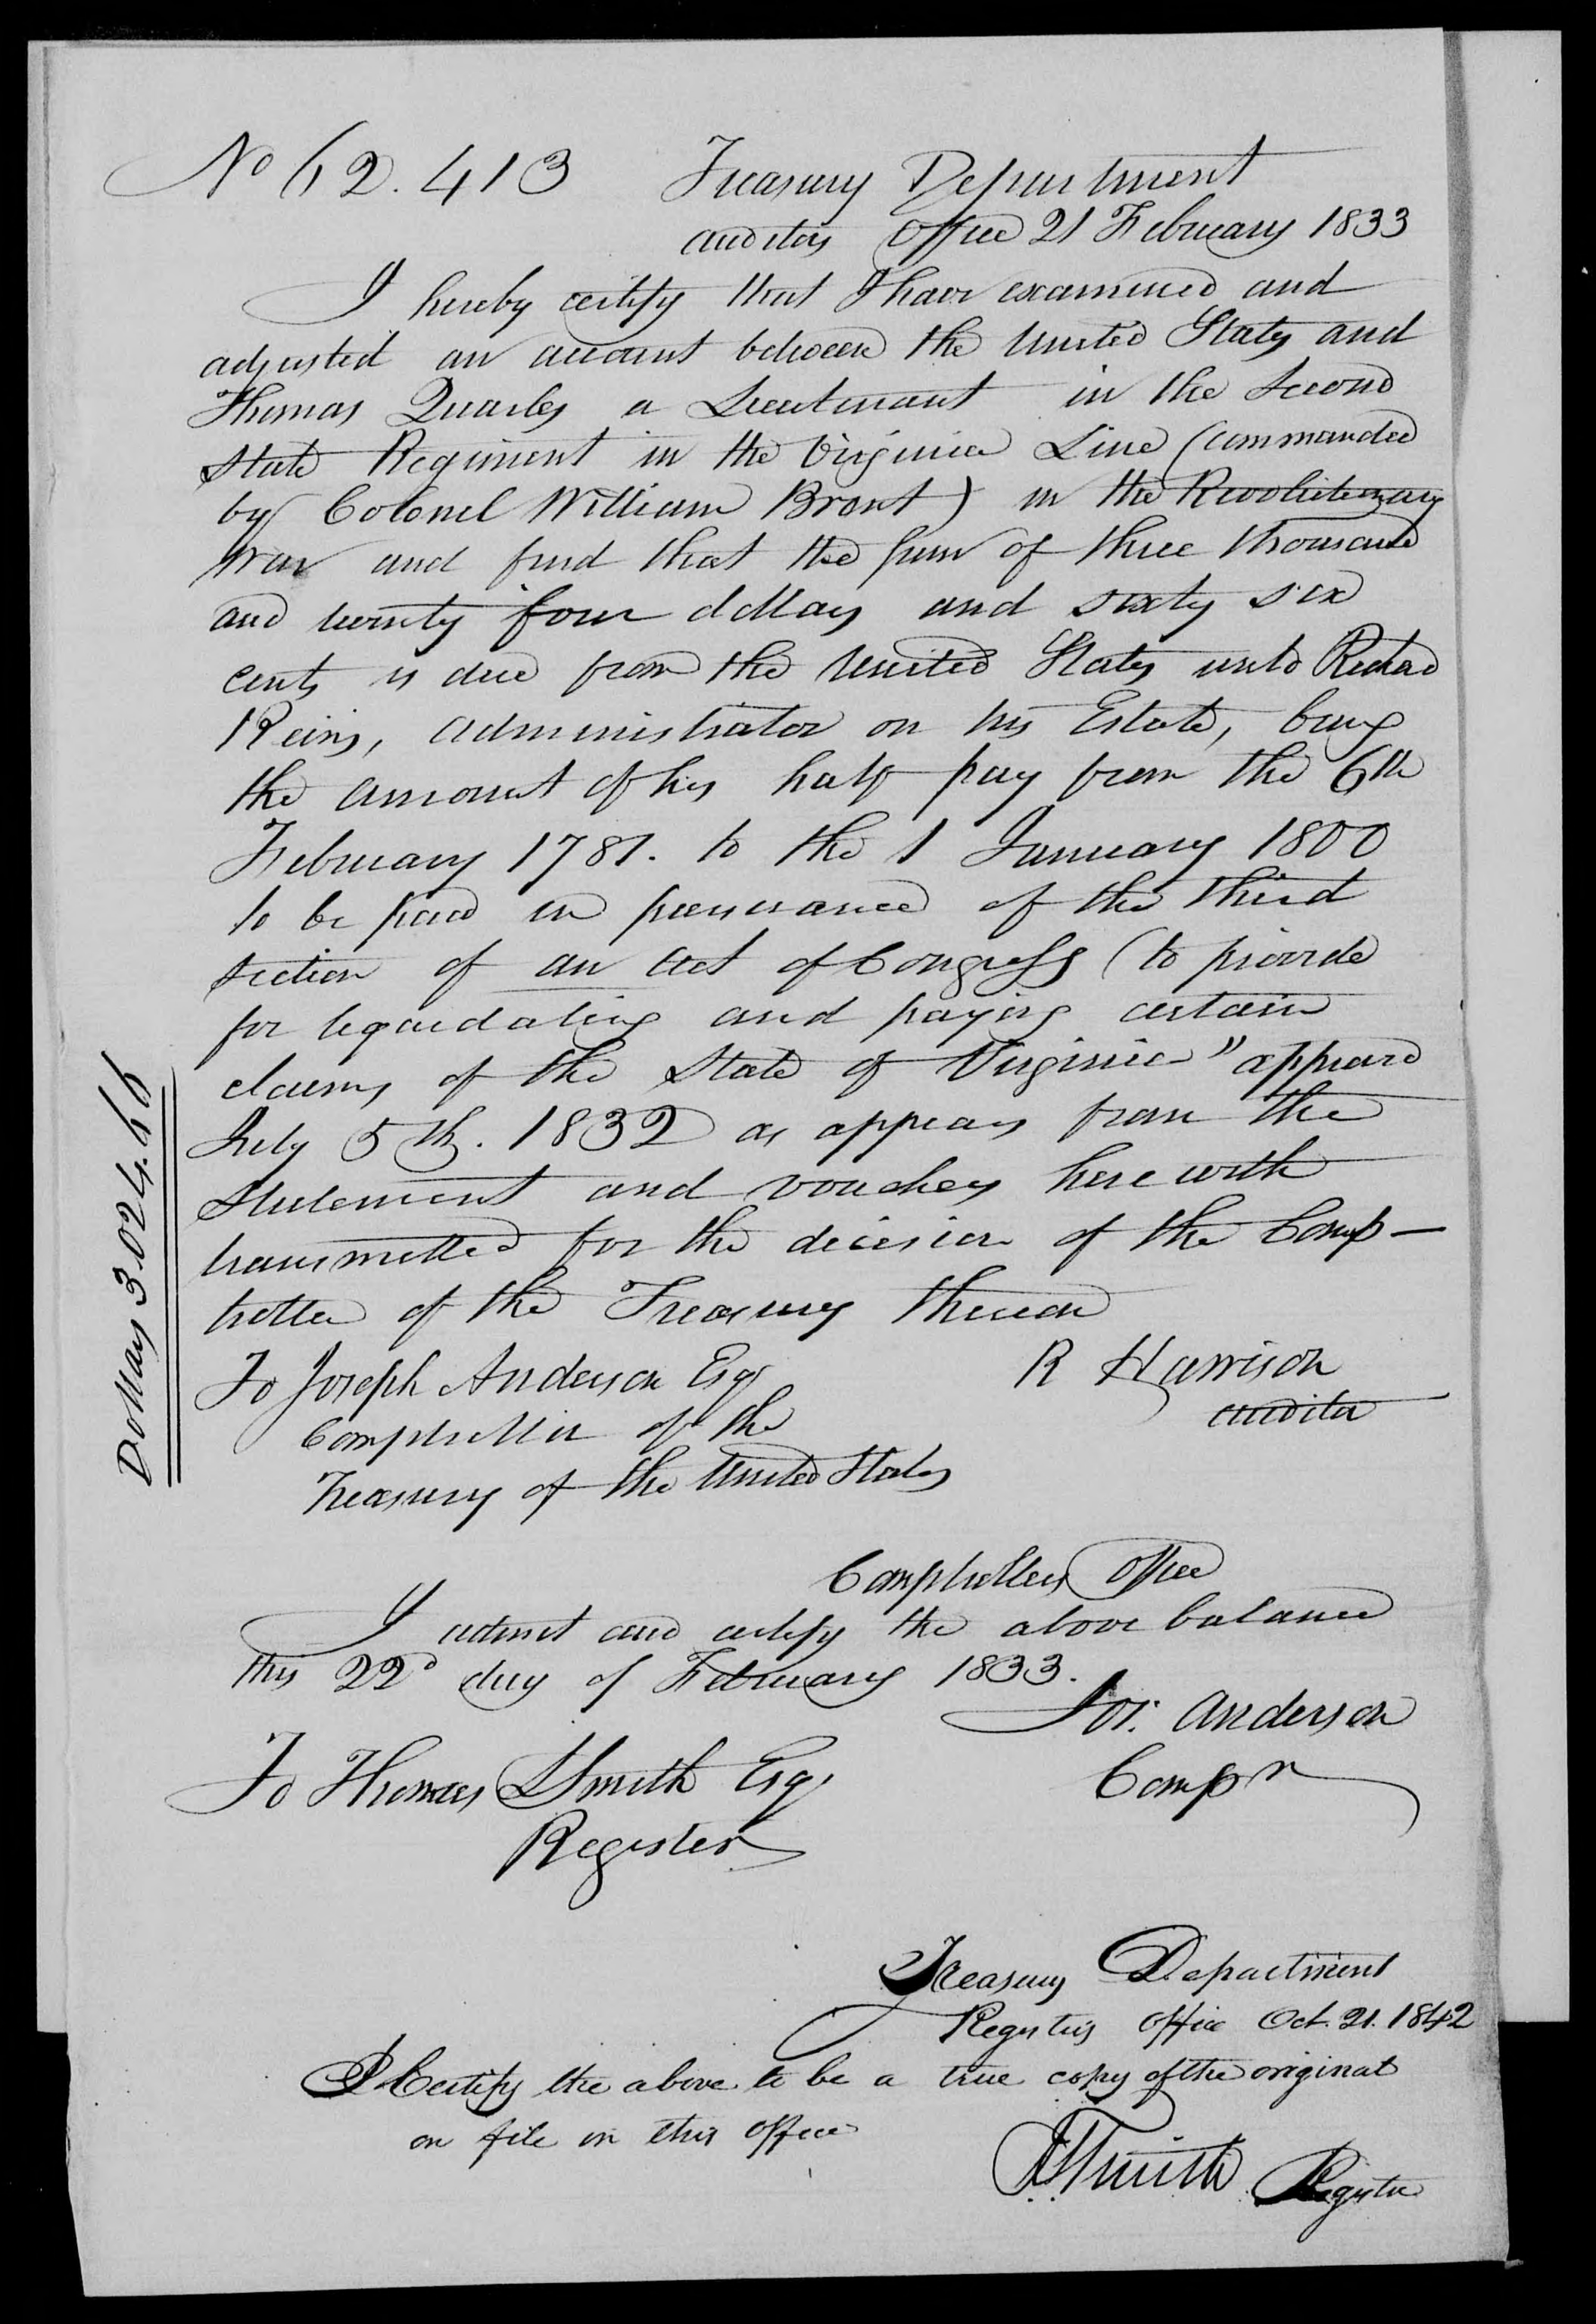No 62.413

Treasury Department
auditors office 21 February 1833

I hereby certify that I have examined and adjusted an amount between the United States and Thomas Quarles a Lieutenant in the Second State Regiment in the Virginia Line (commanded by Colonel William Brant ) in the Revolutionary War and find that the sum of three thousand and twenty four dollars and sixty six cents is due from the United States unto Richard Reins, administrator on his Estate, bring the amount of his half pay from the 6th February 1781, to the 1 January 1800 to be paid in pursuance of the third section of an act of Congress (to provide for liquidating and paying certain claims of the State of Virginia) approved July 5th, 1832 as appears from the Statement and Voucher herewith handwritten for the decision of the Comptroller of the Treasury thereon

To Joseph Anderson Esq
Comptroller of the Treasury of the United States

R Harrison
auditor

Comptrollers Office
I ? and certify the above balance this 22d day of February 1833.

Jos. Anderson
Comp'r

To Thomas Smith Esq
Register

Treasury Department
Registers office Oct 21 1842

I certify the above to be a true copy of the original on file in this office

T Smith Register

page: 16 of 22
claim: rejected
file: R. 17251, for Thomas Quarles, Virginia